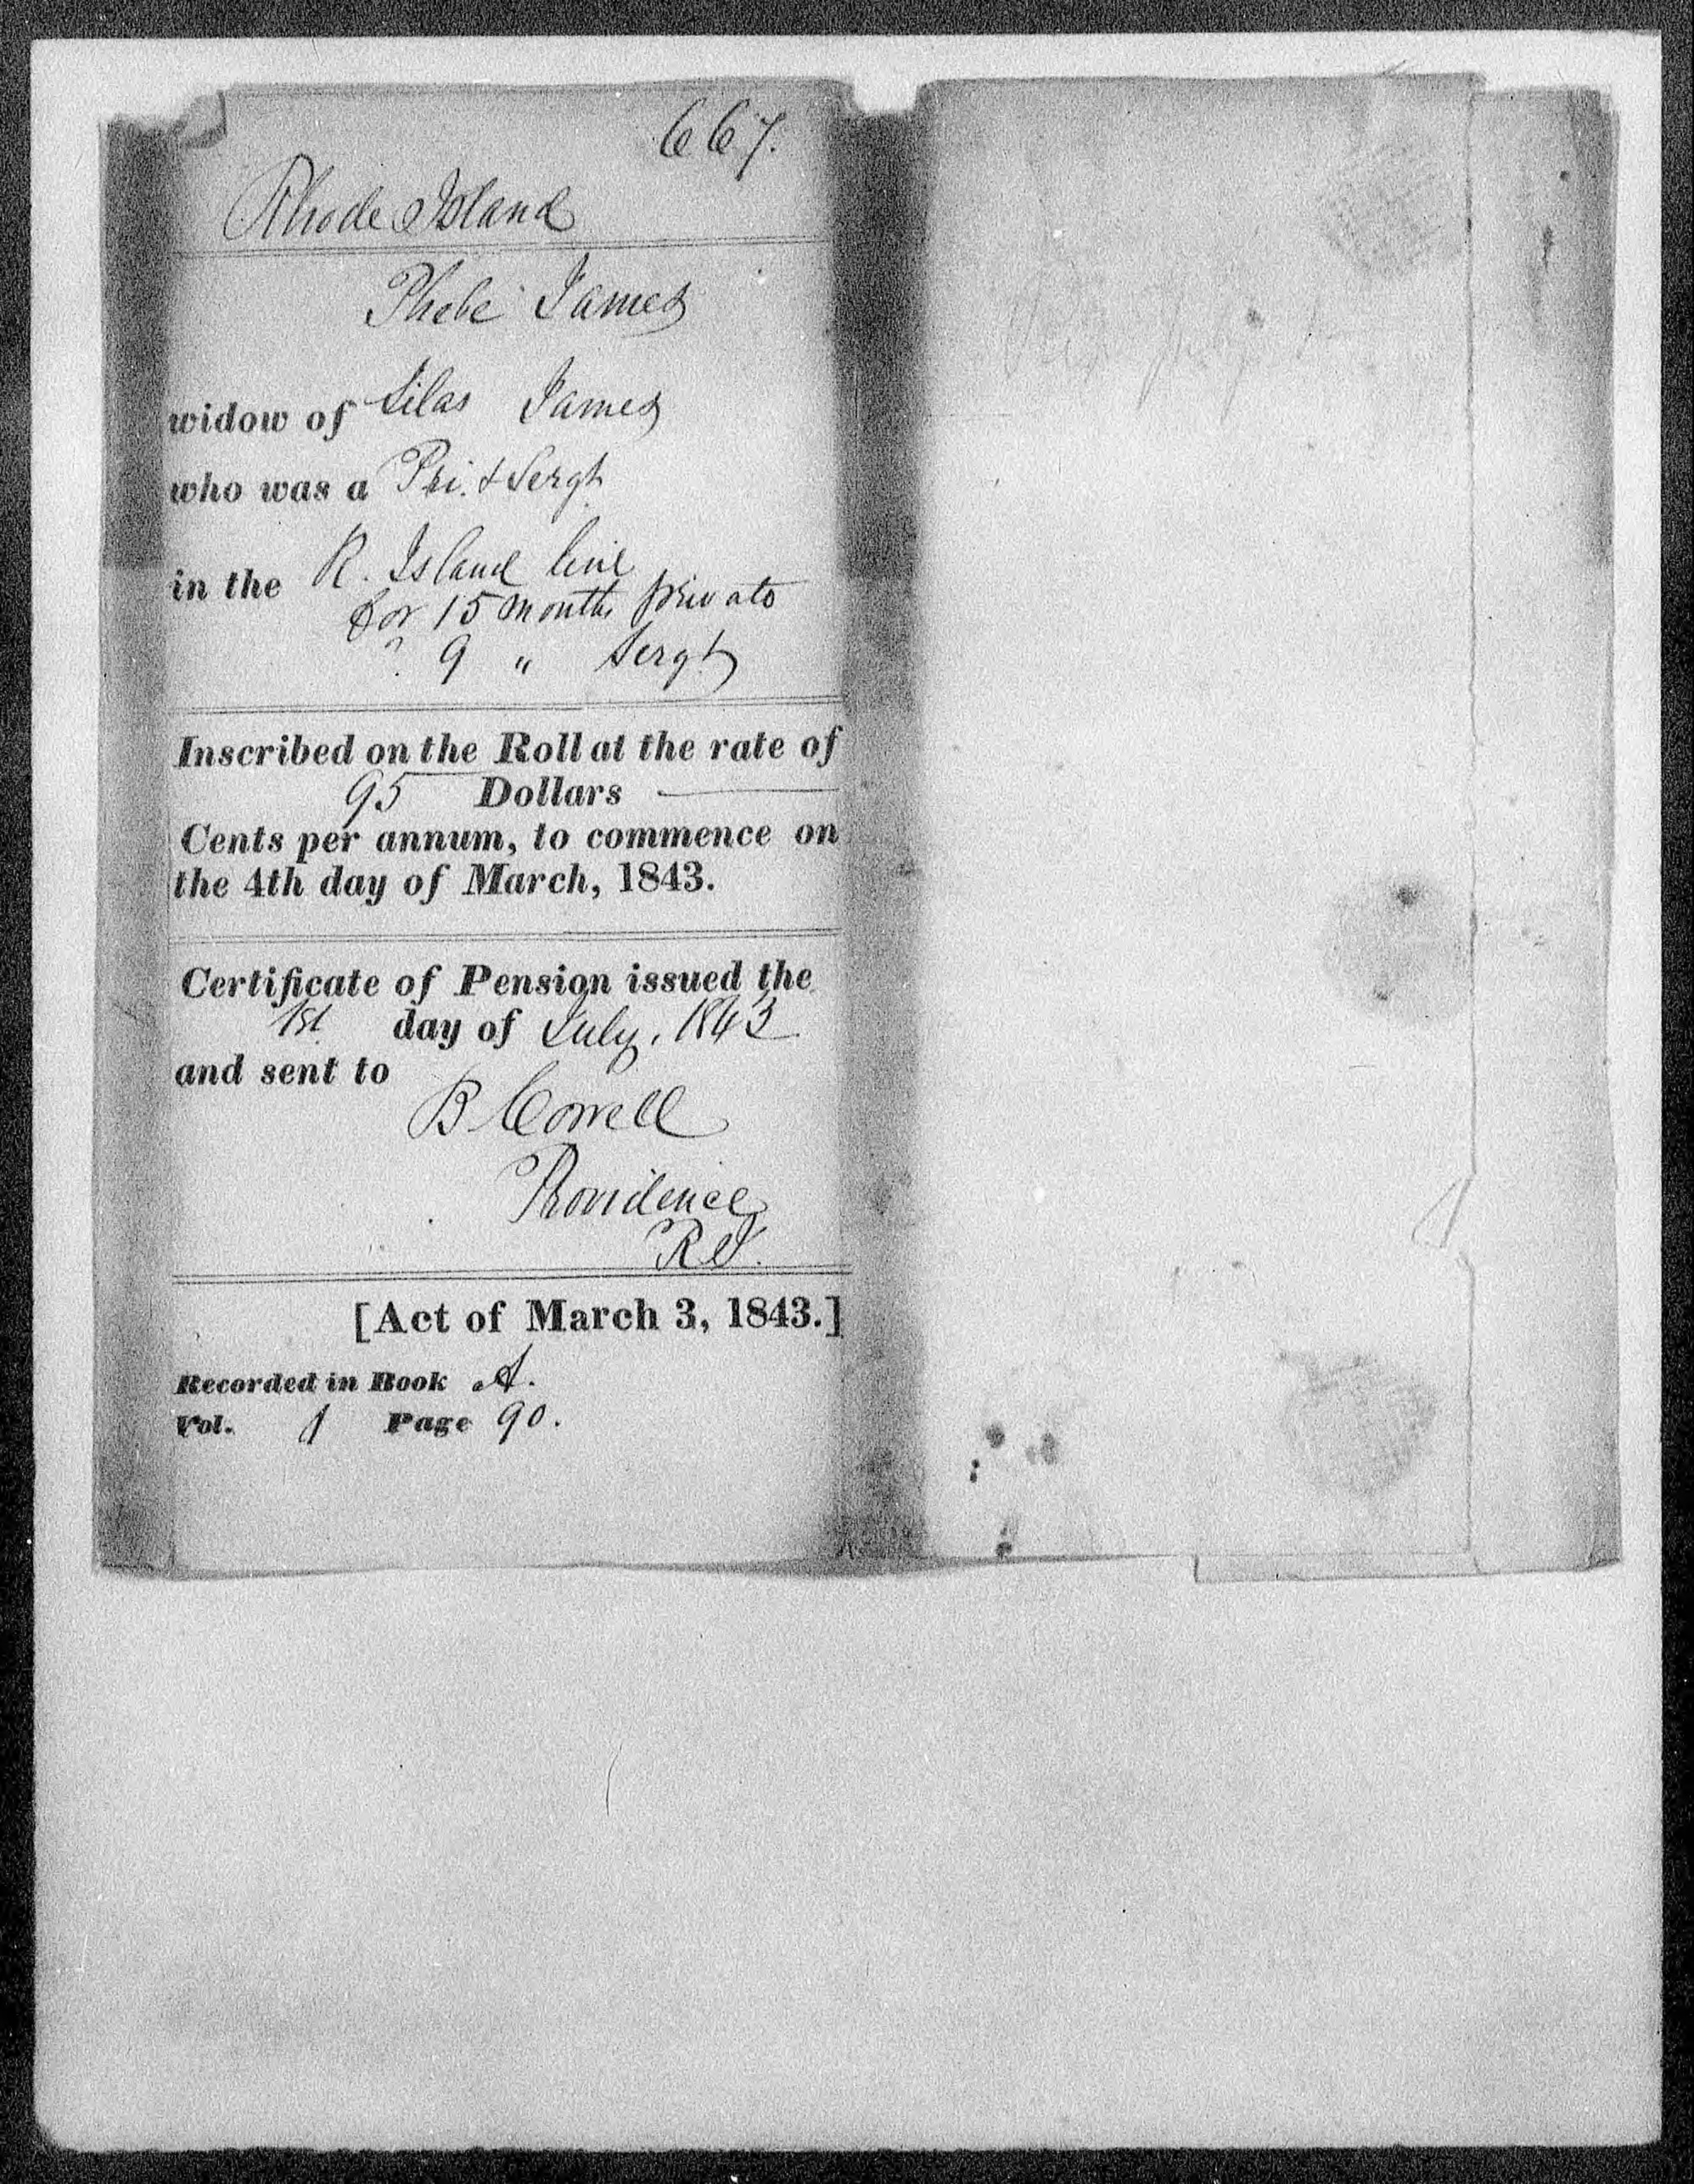667.
Rhode Island
Phebe James widow of Silas James who was a Pri. & Sergt in the R. Island line for 15 months private
9" Sergt

Inscribed on the Roll at the rate of 95 Dollars - Cents per annum, to commence on the 4th day of March, 1843.

Certificate of Pension issued the 1st day of July, 1843 and sent to B Cowell
Providence
R.I.

[Act of March 3, 1843.]
Recorded in Book A.
Vol. 1 Page 90.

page: 2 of 41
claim: widow's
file: W. 24728, for Silas James, Rhode Island